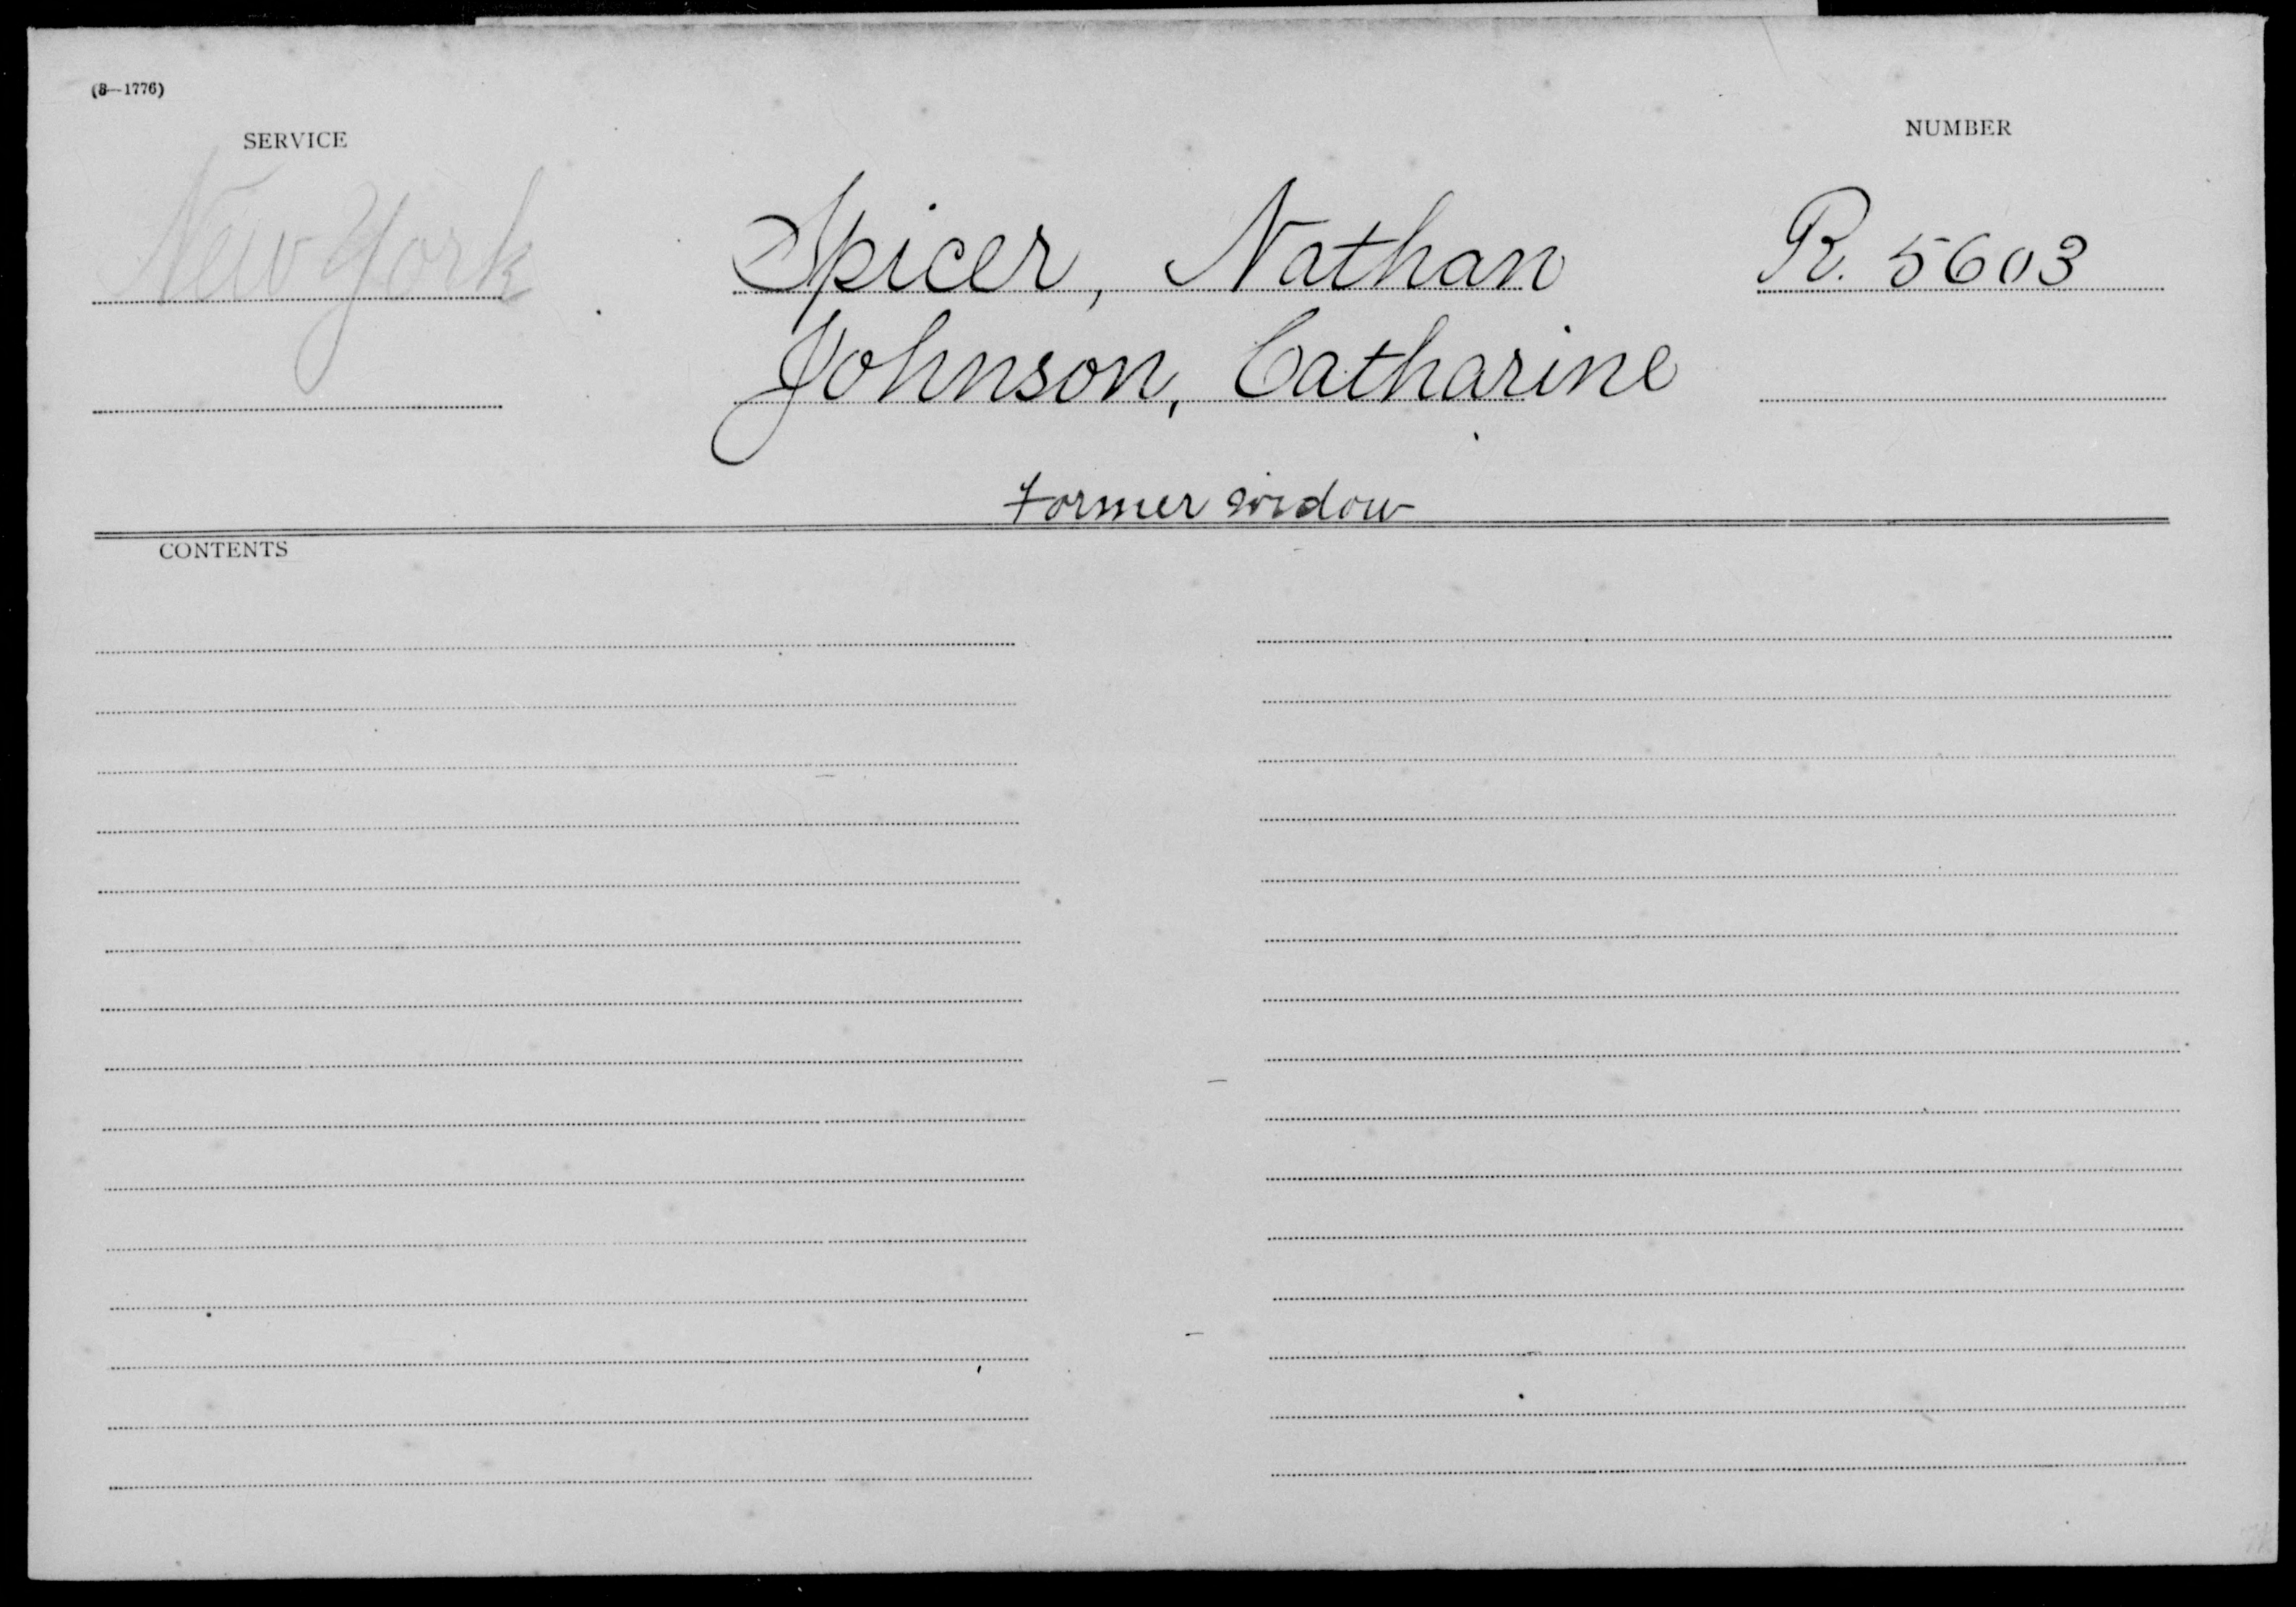Service 
New York
Spicer, Nathan
Johnson, Catharine
Former widow
Number R5603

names: [BLANK]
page: 1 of 33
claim: rejected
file: R. 5603, for Nathan Spicer, New York